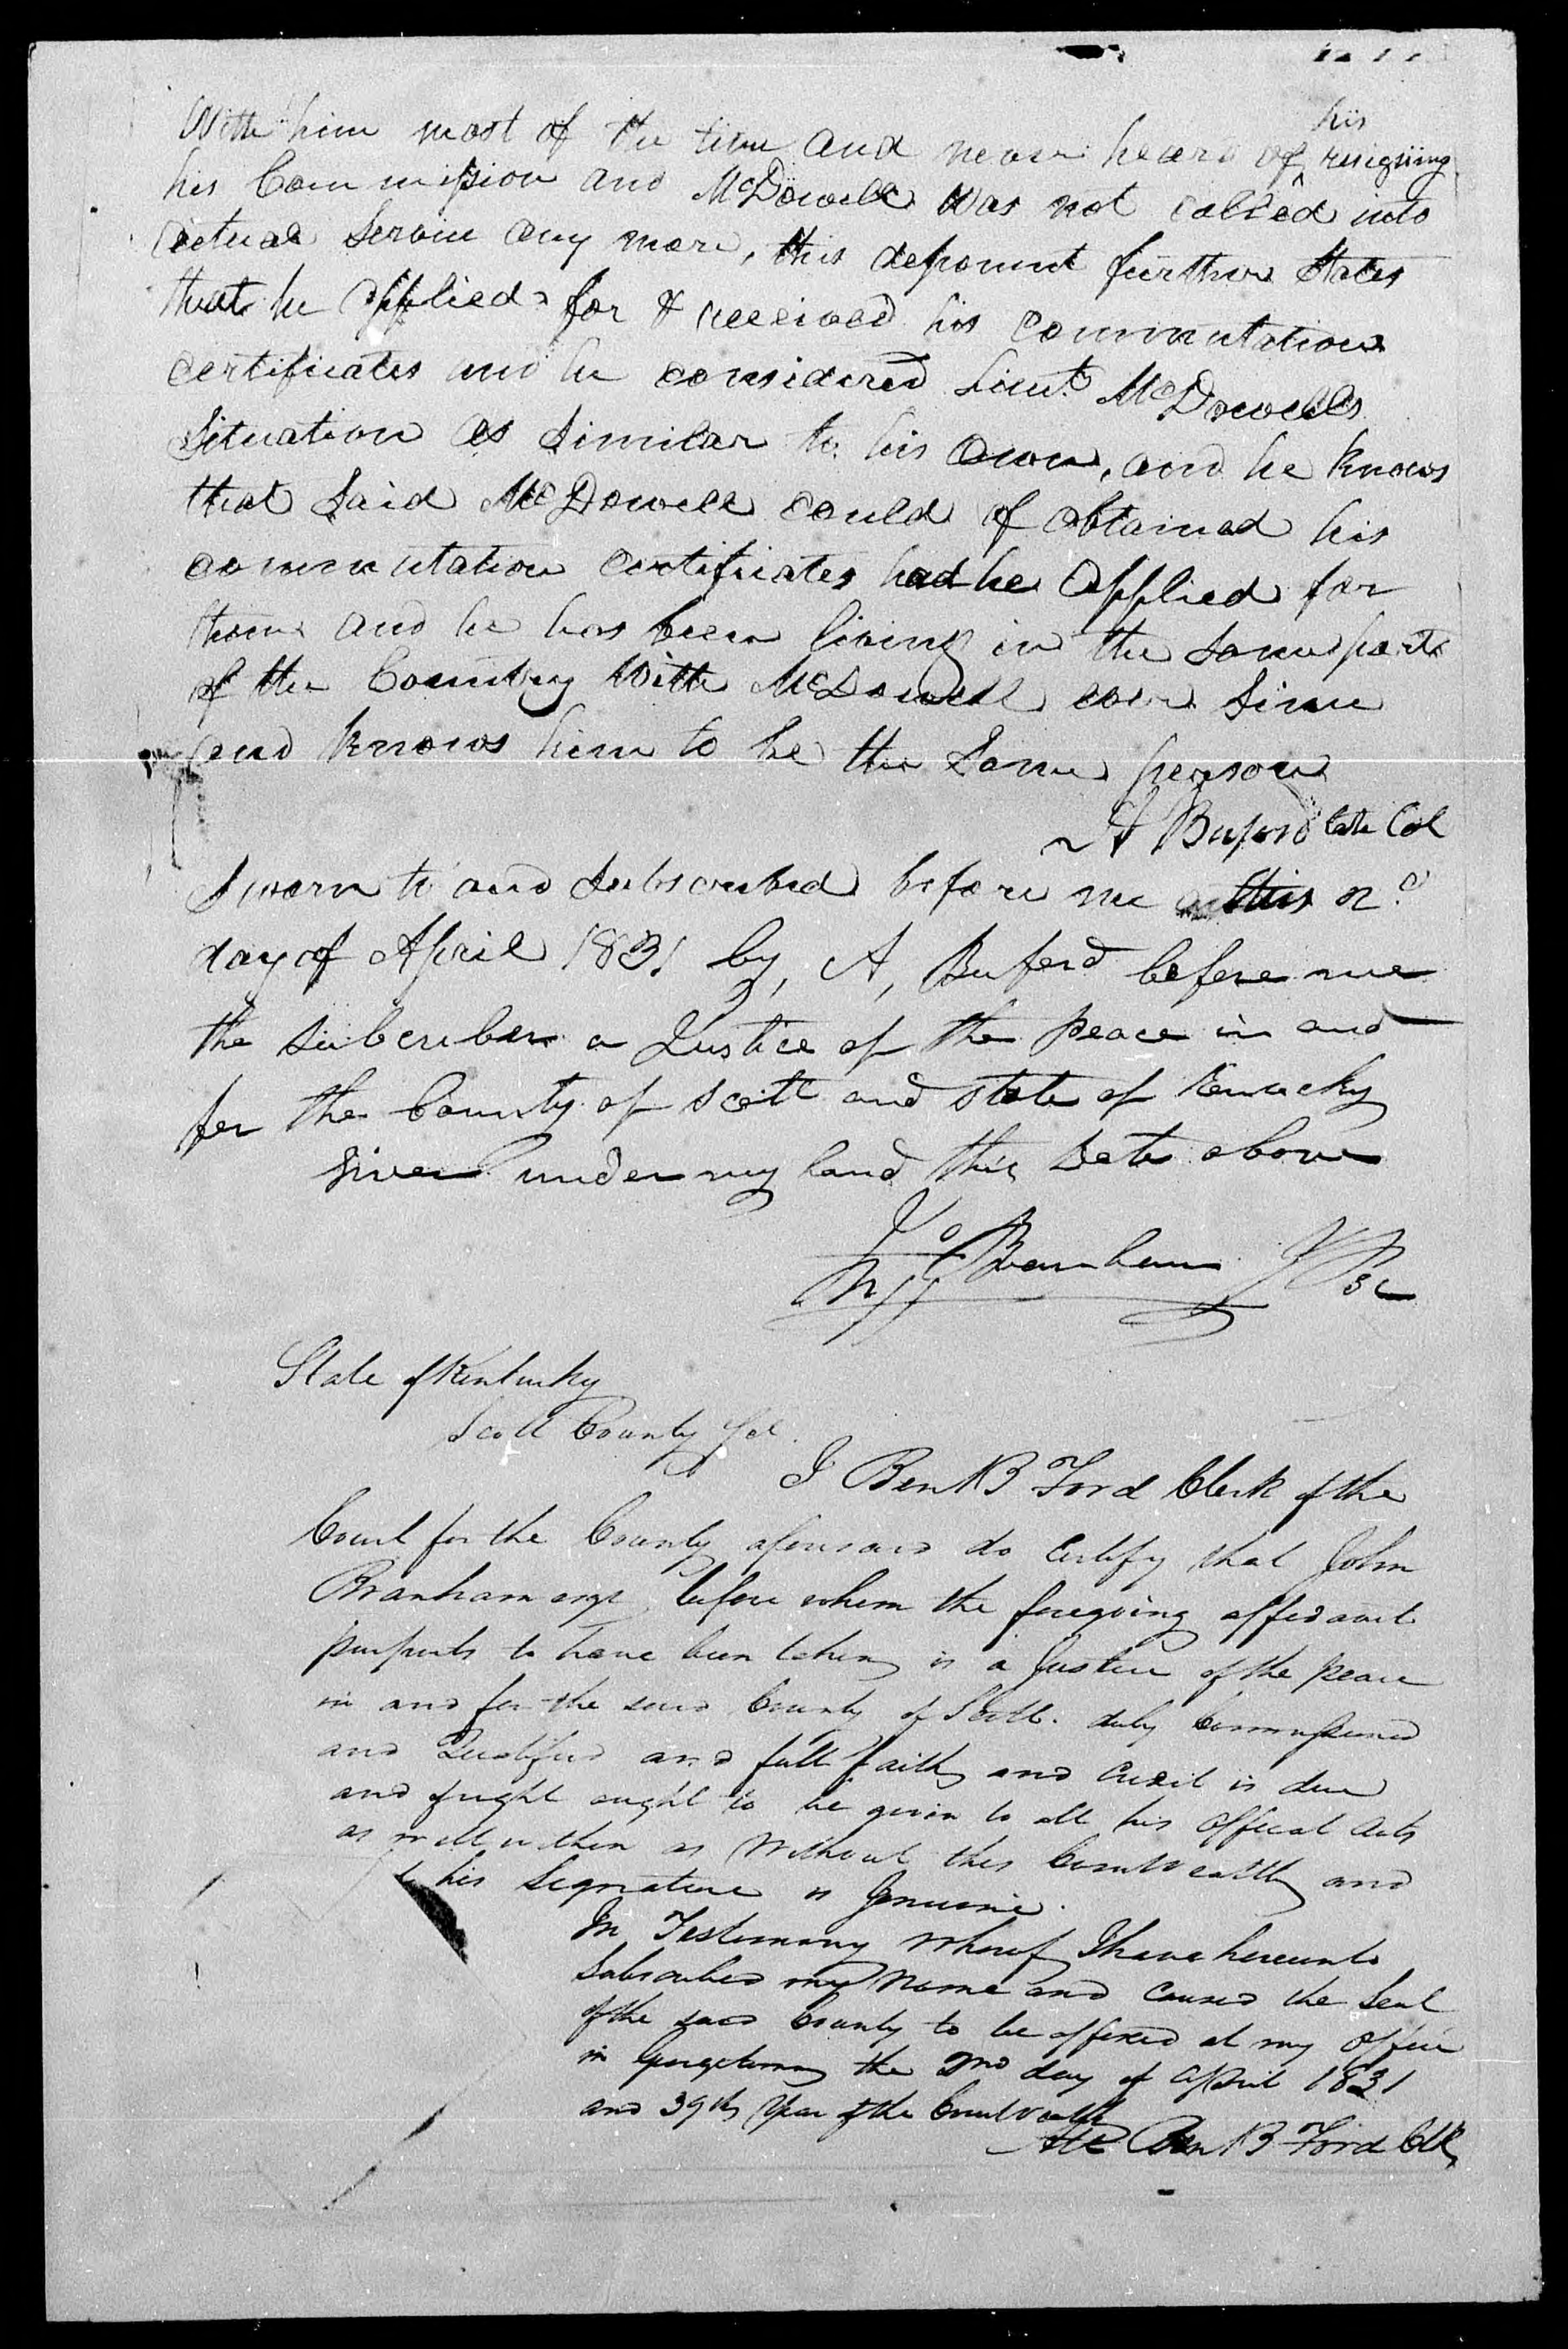with him most of the time and never heard of his resigning
his commission and McDowell was not called into
actual service any more, this [illegible] further states
that he applied for & received his commendation
certificates and he considered Lieut McDowells
situation as similar to his own, and he knows
that said McDowell could of obtained his own
commendation certificates had he applied for
them and he has been living in the same parts
of the country with McDowell ever since
and knows him to be the same person.
(signature of A, Buford)
Sworn to and subscribed before me on this 2nd
day of April 1831 by A. Buford before me
the subscriber of Justice of the Peace in and
for the county of Scott and state of Kentucky
Lives under my hand this date above
(illegible signature)

State of Kentucky
Scott County 
I Ben B Ford clerk of the 
Court for the County aforesaid do certify that
 John
[illegible] before when the foregoing affidavit 
purports to have been [illegible] is a Justice of the Peace 
in and for the same county of Scott duly commissioned
and qualified & full faith and credit is due
and [illegible] ought to be given to all his official acts
as well within as without this commonwealth and
his signature as genuine.
In testimony whereof I have hereunto
subscribed my name and caused the seal
of the said county to be affixed at my office
in Georgetown the 2nd day of April 1831
and 39th year of the commonwealth.
signature of Ben B Ford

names: [BLANK] Mc Dowell; Bent B Ford; John Branham; A Buford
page: 11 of 47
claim: survivor's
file: S. 30578, for John Mc Dowell, Virginia